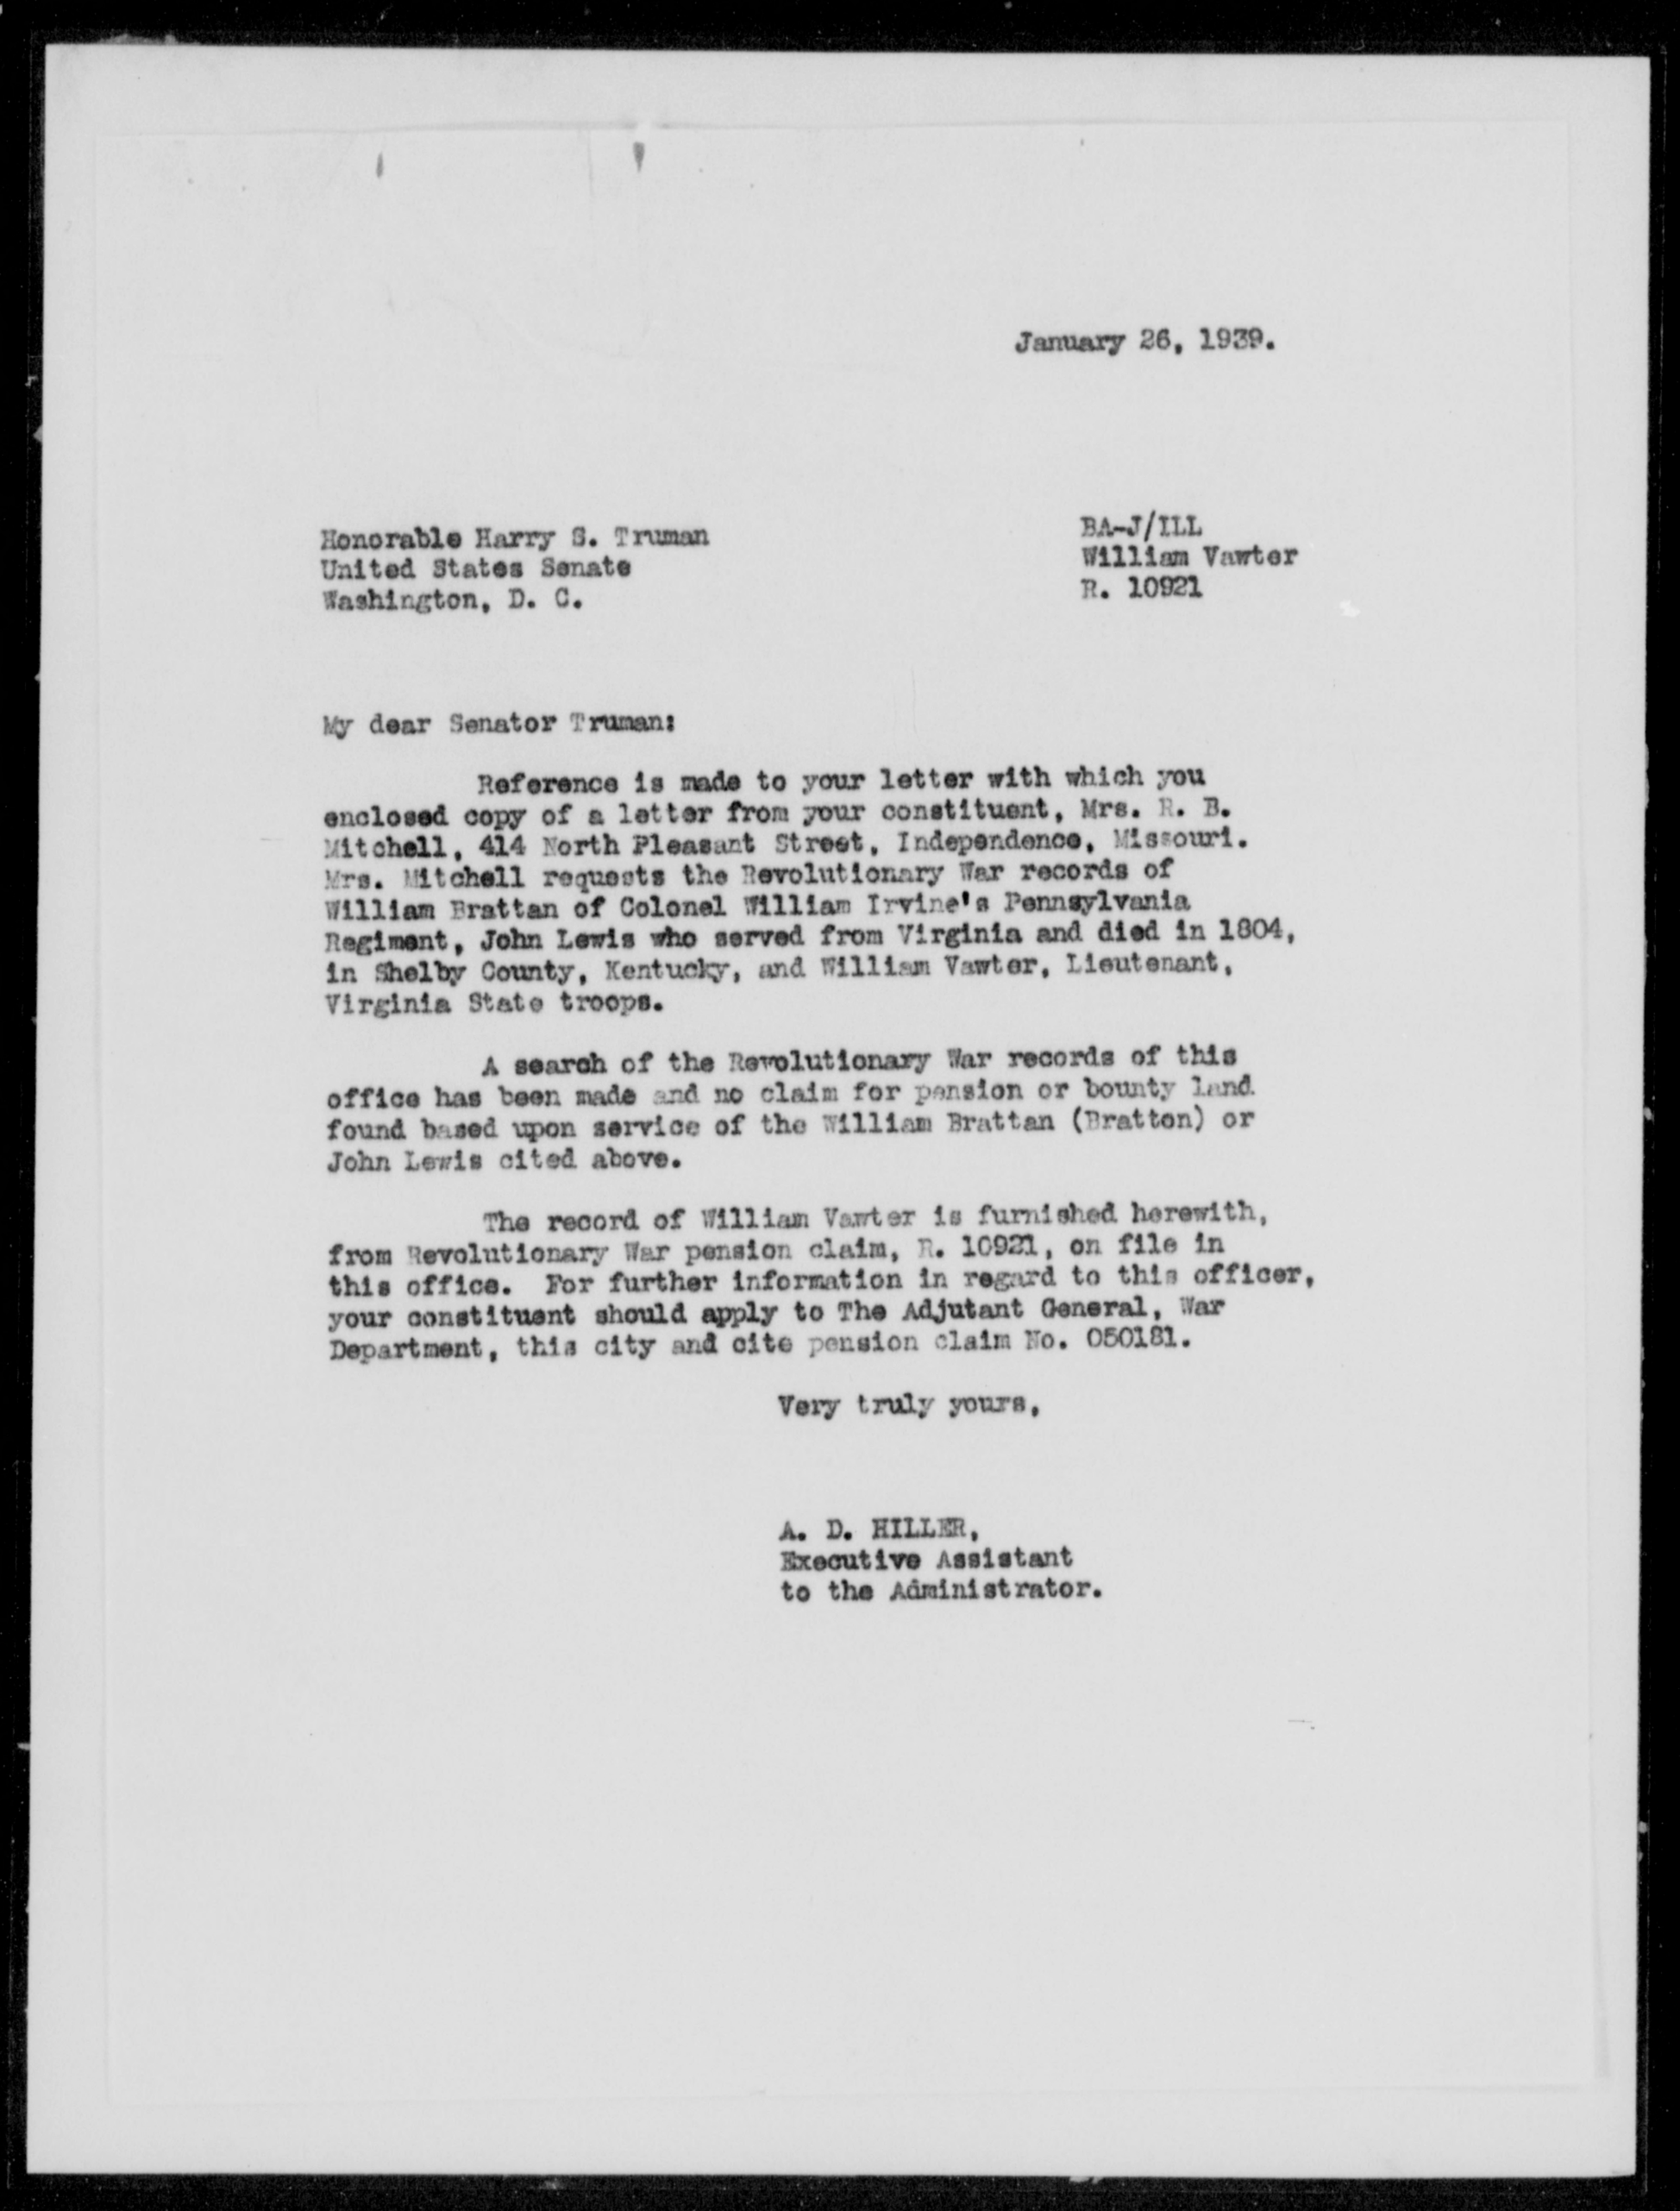January 26, 1939.

Honorable Harry S. Truman
United States Senate
Washington, D. C.



BA-J/ILL
William Vawter
R. 10921

My dear Senator Truman:

Reference is made to your letter with which you
enclosed copy of a letter from your constituent, Mrs. R. B.
Mitchell, 414 North Pleasant Street, Independence, Missouri.
Mrs. Mitchell requests the Revolutionary War records of
William Bratton of Colonel William Irvine's Pennsylvania
Regiment, John Lewis who served from Virginia and died in 1804,
in Shelby County, Kentucky, and William Vawter, Lieutenant,
Virginia State troops.

A search of the Revolutionary War records of this
office has been made and no claim for pension or bounty land
found based upon service of the William Brattan (Bratton) or
John Lewis cited above.

The record of William Vawter is furnished herewith,
from Revolutionary War pension claim, R. 10921, on file in
this office. For further information in regard to this officer,
your constituent should apply to The Adjutant General, War
Department, this city and cite pension claim No. 050181.

Very truly yours,

A. D. HILLER,
Executive Assistant
to the Administrator.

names: William Brattan, John Lewis, Mitchell, William Vawter, Harry S Truman, John Lewis, William Bratton, Truman, A D Hiller, William Vawter, William Brattan, William Vawter, R B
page: 26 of 51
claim: rejected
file: R. 10,921, William Vawter, Va.